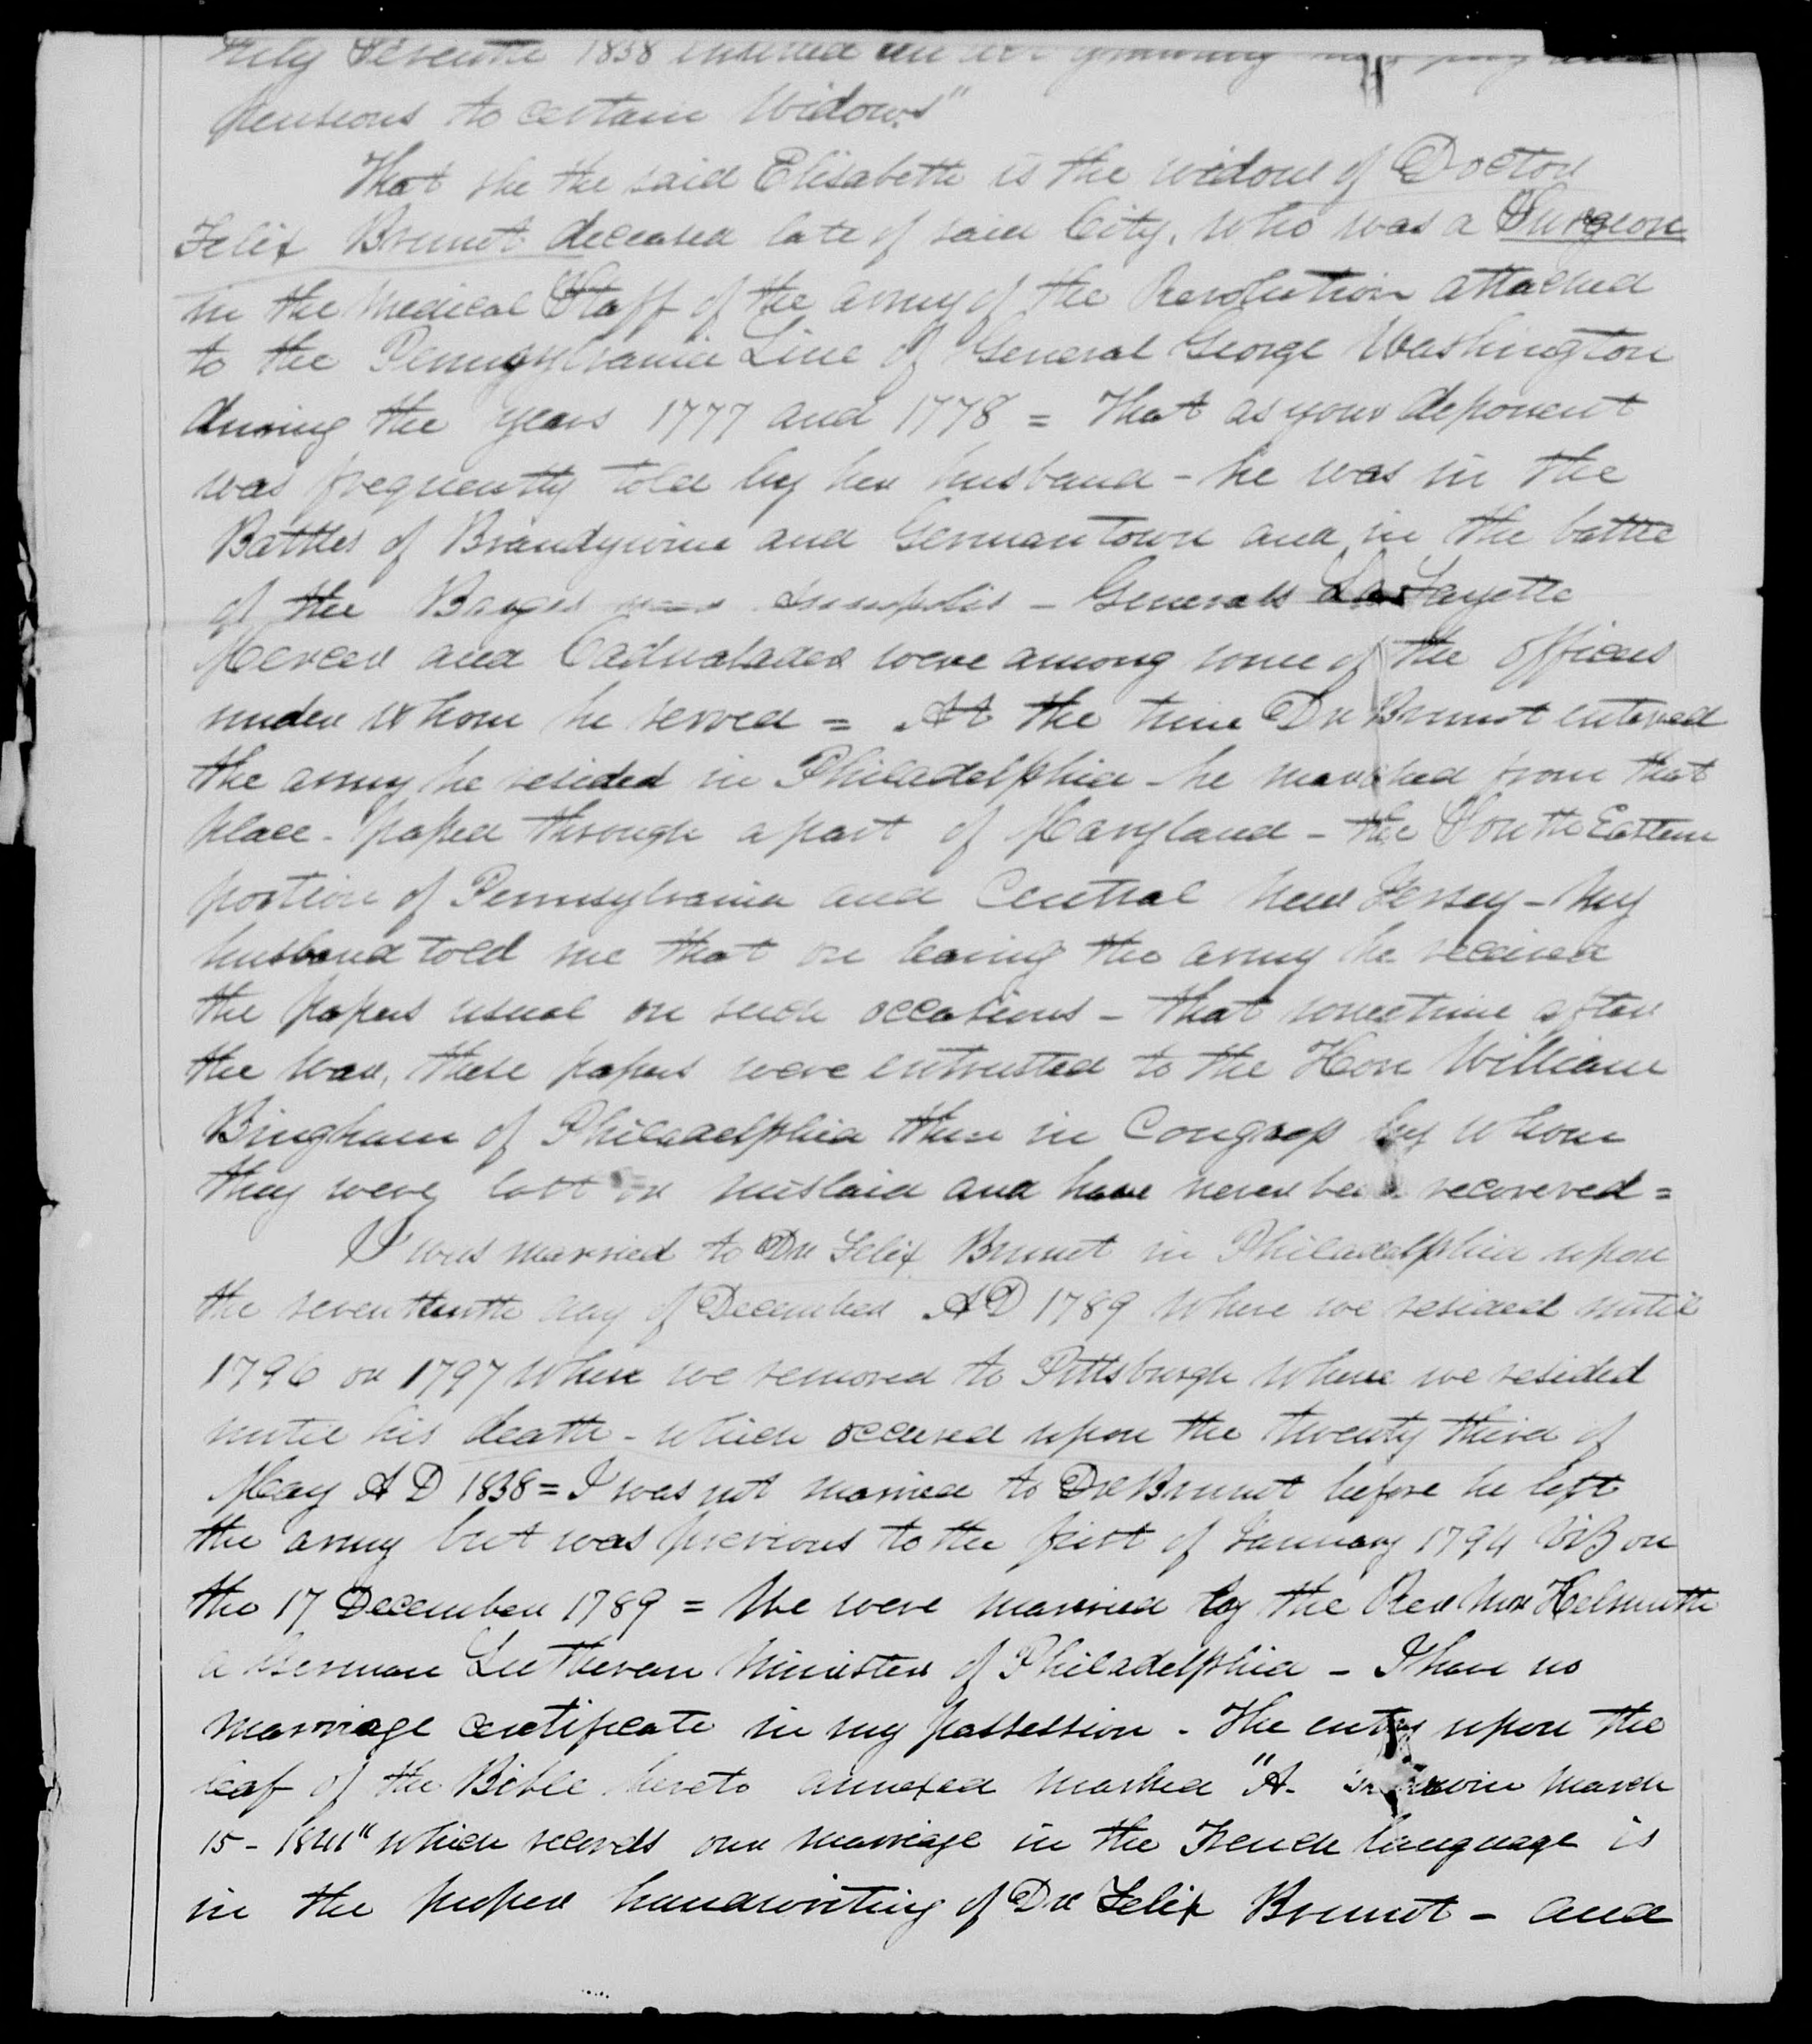[top line cut off/illeg]  ----- ---- 1838 --------------------
[illeg] to certain widows."

That she the said Elisabeth is the widow of Doctor 
Felix Brunot deceased late of said City, who was a Surgeon
in the Medical Staff of the army of the Revolution attached
to the Pennsylvania Line of General George Washington
during the years 1777 and 1778 = that as your deponent
was frequently told by her husband - he was in the
Battles of Brandywine and Germantown and in the battle
of the B----- [illeg]  - General Lafayette 
H----- and Cadwalader were among some of the officers
under whom he served = At the time Dr. Brunot entered
the Army he resided in Philadelphia - he marched from that
place. through a part of Maryland - the SouthEastern
portion of Pennsylvania and Central New Jeresey - my
husband told me that on leaving the army he received
the papers usual on such occasions- that sometime after
the war, these papers were entrusted to the Hon William
Bingham of Philadelphia those in Congress by whom
they were lost or mislaid and have never been recovered = 

I was married to Dr Felix Brunot  
the seventeenth day of December AD 1789 where we resided until
1796 or 1797 when we removed to Pittsburgh where we re[sided]
until his death which occurred on the twenty third of 
May A D 1838 = I was not married to Dr. Brunot before he left
the army but was previous to the first of January 1794 [illeg]
tho 17 December 1789 = We were married by the Rev. Asa _________
a German Lutheran Minister of Phildelphia - there was
marriage certificate in my possession.  The entry upon the
leaf of the Bible hereto annexed marked "A.  [paper damaged] March
15 - 1846" which recorded out marriage in the French language is
in the [illeg] handwriting of Dr. Felix Brunot - and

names: Felix Brunot, George Washington, Elisabeth, Brunot, William Bingham, Felix Brunot, Felix Brunot, Brunot, La Fayette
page: 4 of 34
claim: rejected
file: R. 1371, Felix Brunot, Penn.